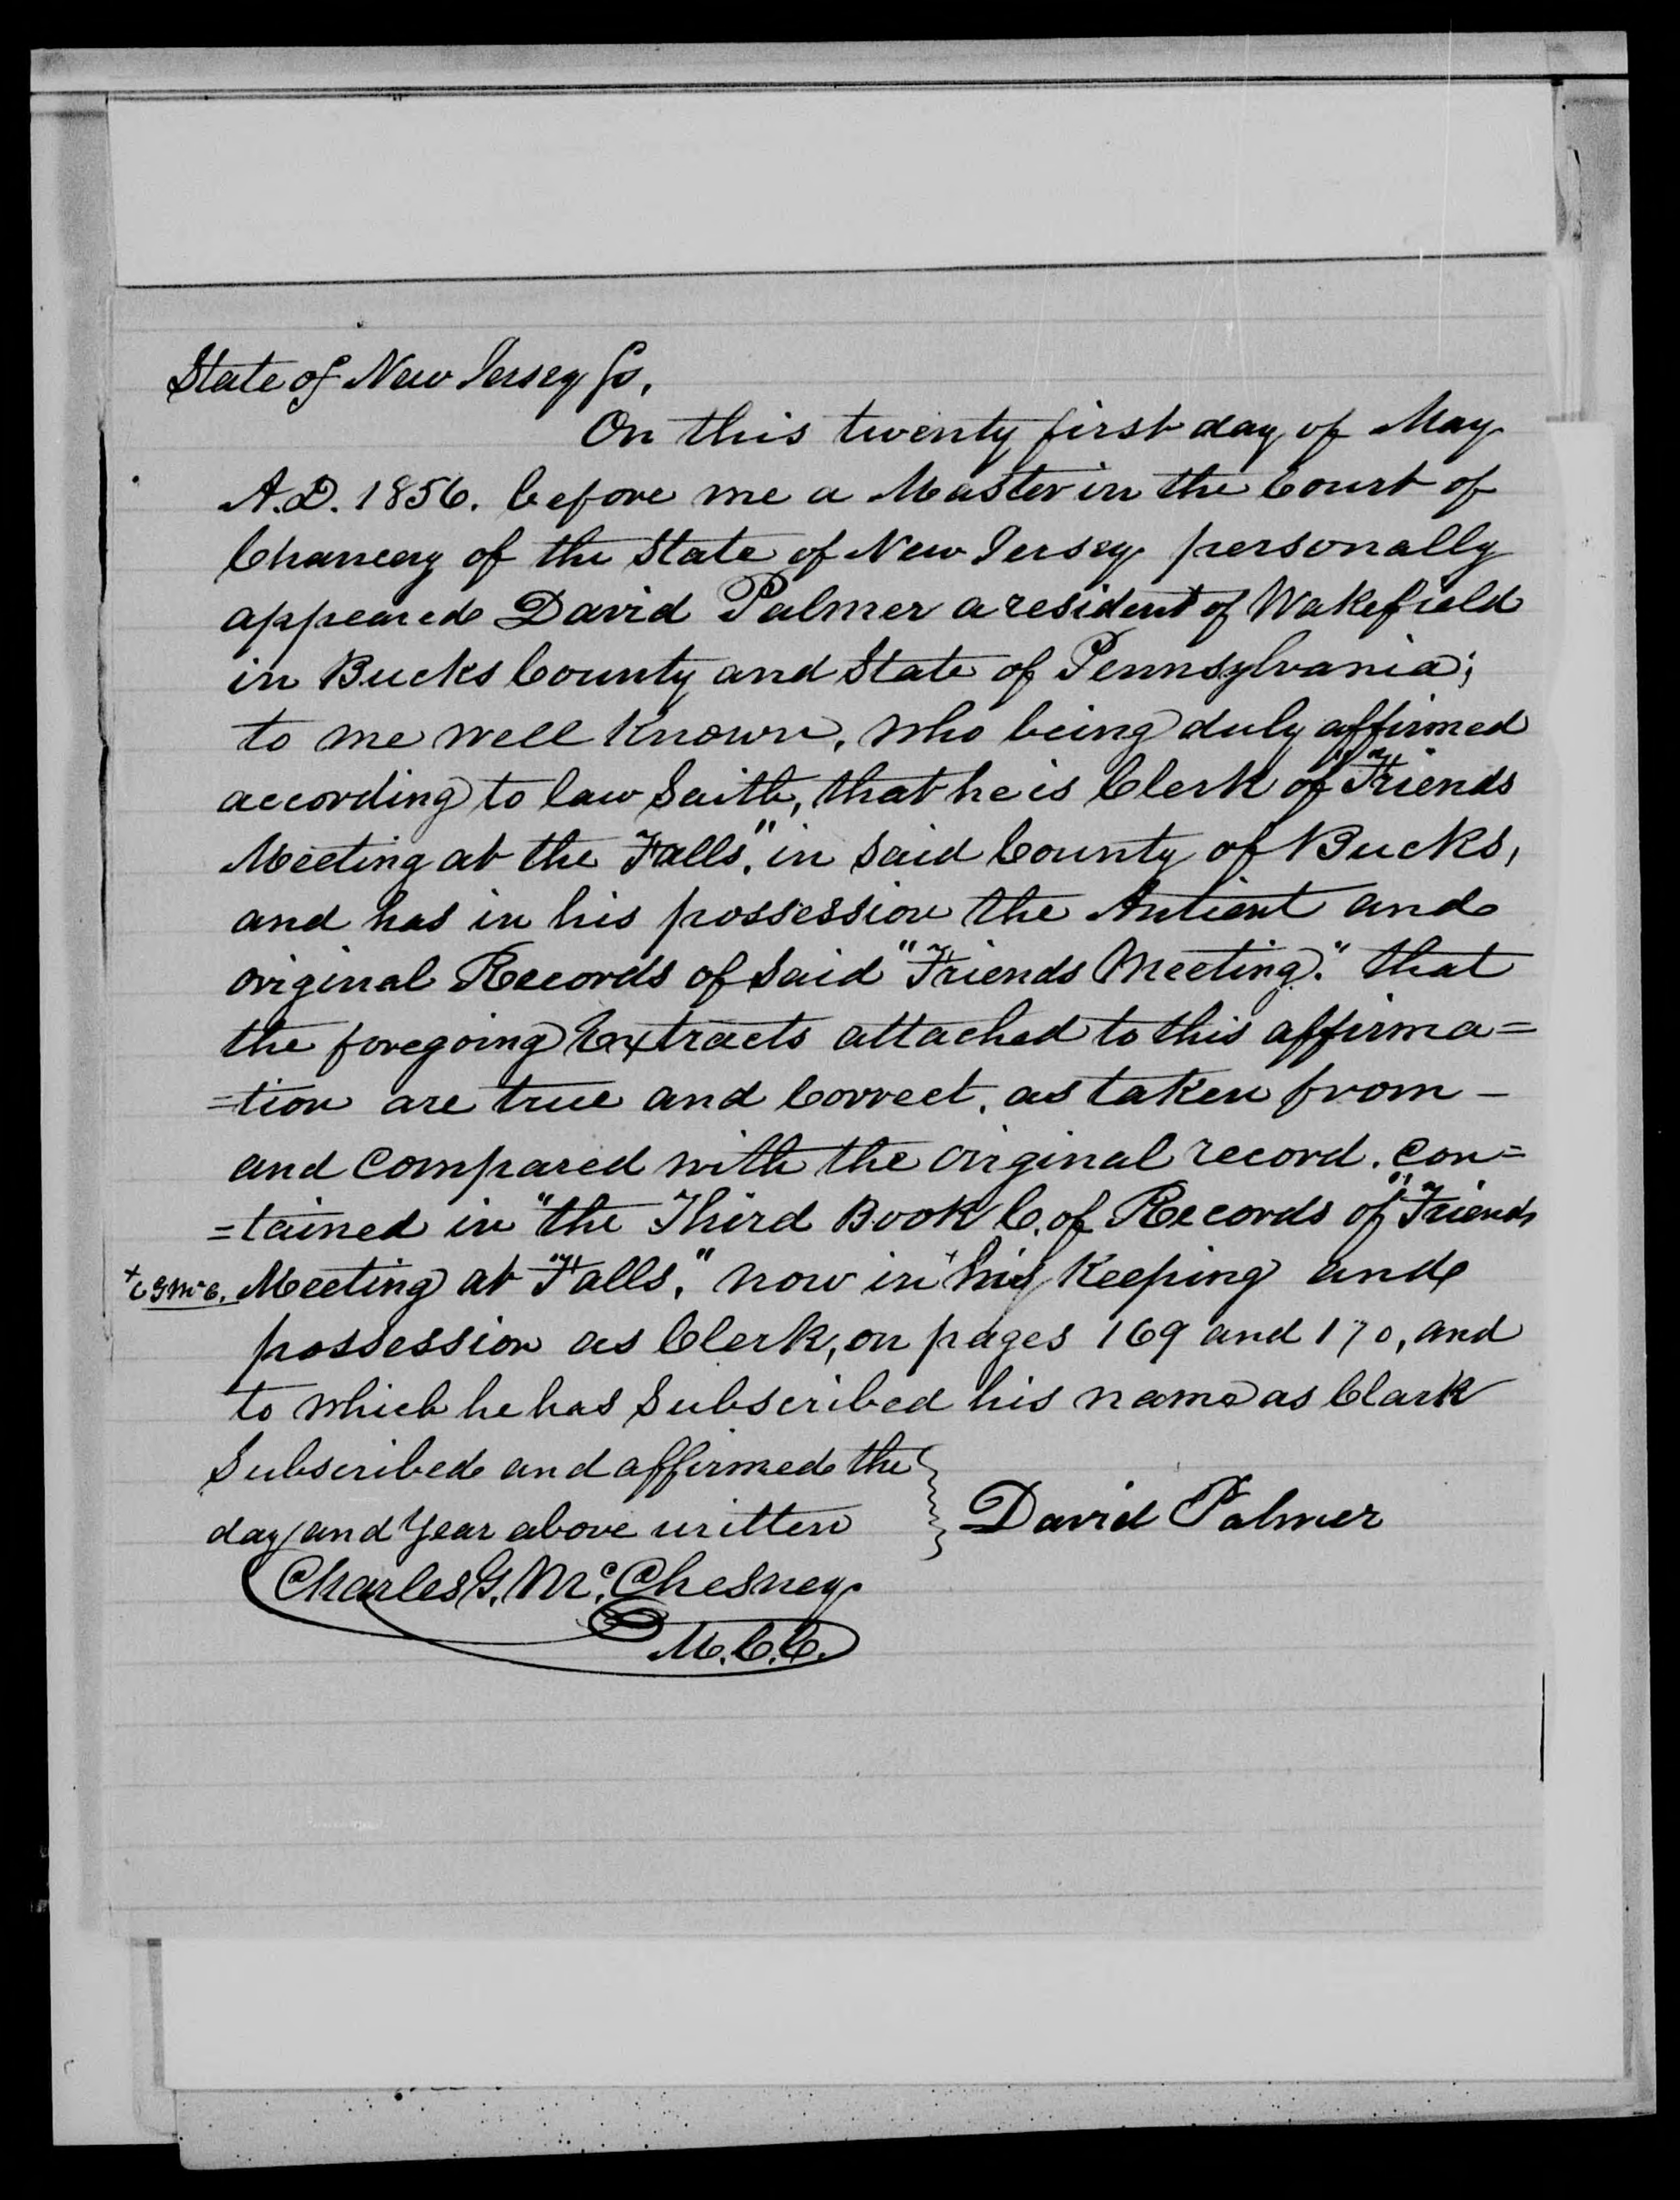State of New Jersey
On this twenty first day of May A.D. 1856 before me a Master in the Court of Chancey of the State of New Jersey personally appeared David Palmer a resident of Wakefield in bucks County and State of Pennsylvania to me well known, who being duly affirmed according to law saith that he is Clerk of Friends Meeting at the “Falls” in said County of Bucks and has in his possession the Antient and original Records of said “Friends Meeting.” the the foregoing Extracts attached to this affirmation are true and correct as taken from and compared with the original record contained in “the Third Book of Records of Friends Meeting at Falls” now in his keeping and possession as Clerk on pages 169 and 170, and to which he has subscribed his name as Clerk 
Subscribed and affirmed the day and year above written
Charles G. McChesney MCC

David Palmer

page: 9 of 25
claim: rejected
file: R. 10513, for Edward Thomas, New Jersey